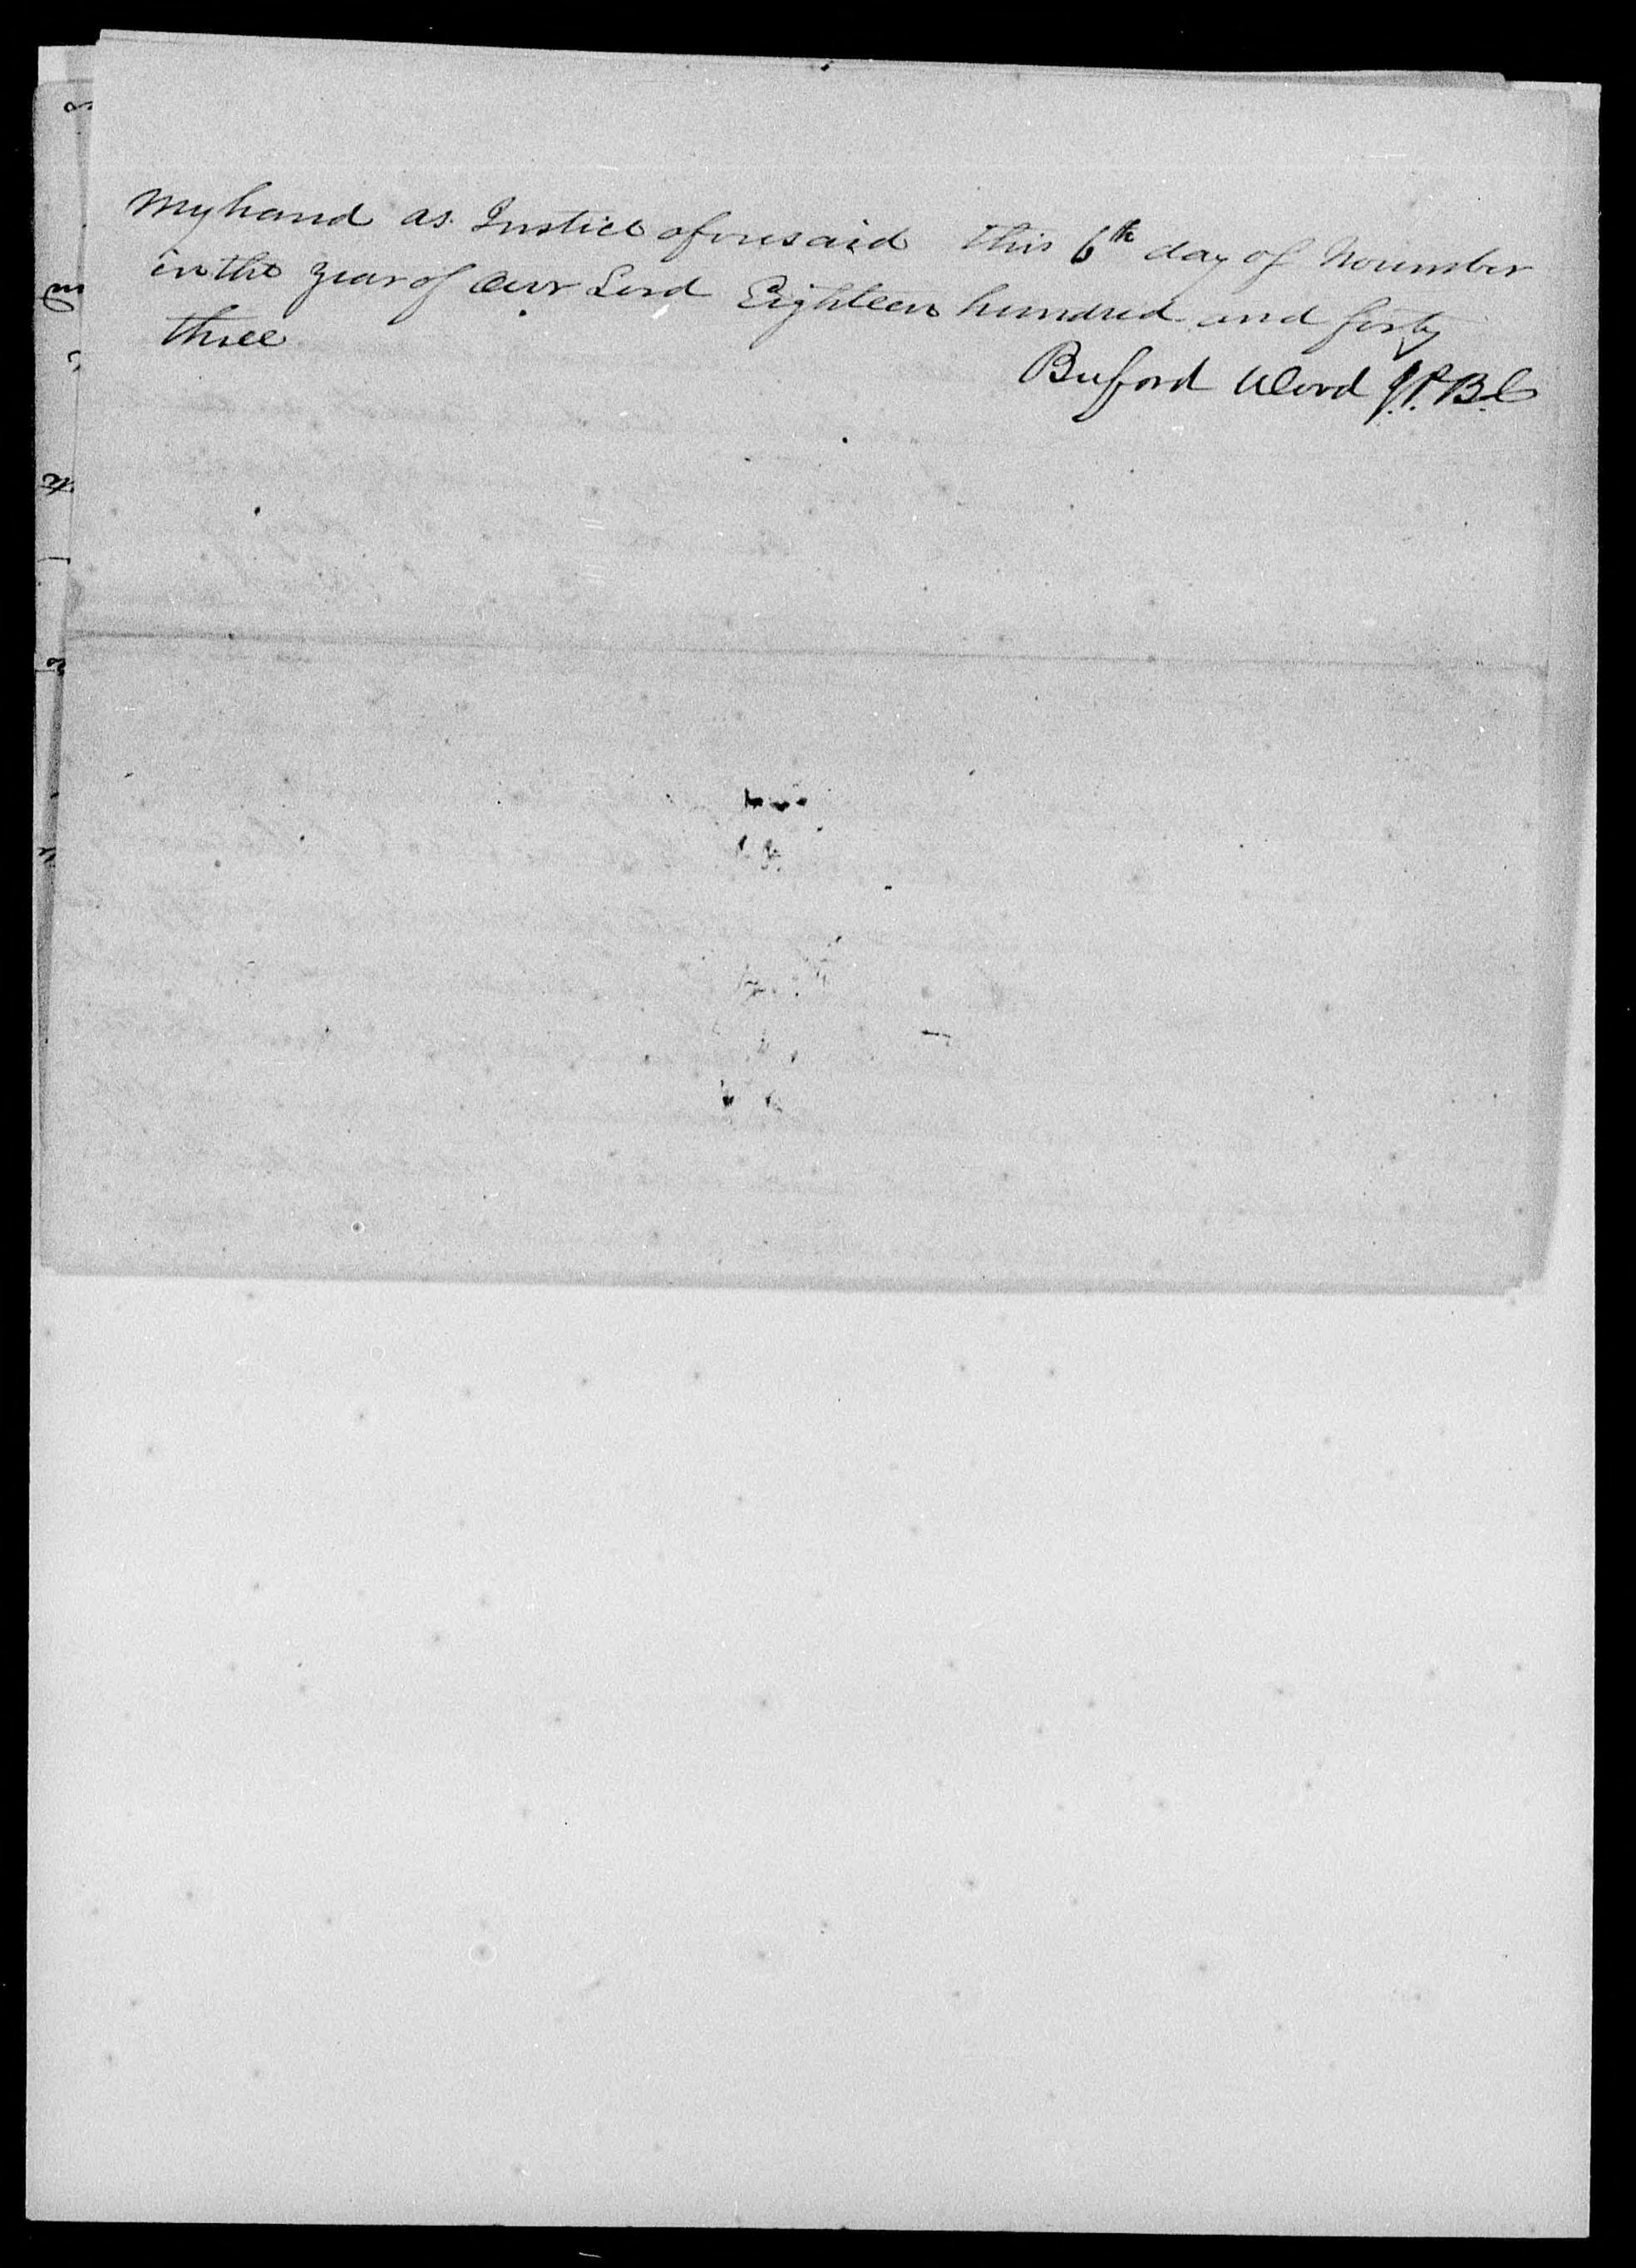my hand as Justice aforesaid this 6th day of November in the year of our Lord Eighteen hundred and forty three
Buford Wood J.P. B.C.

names: Buford Wood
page: 55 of 58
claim: widow's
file: W. 8932, John Hiser, Penn.